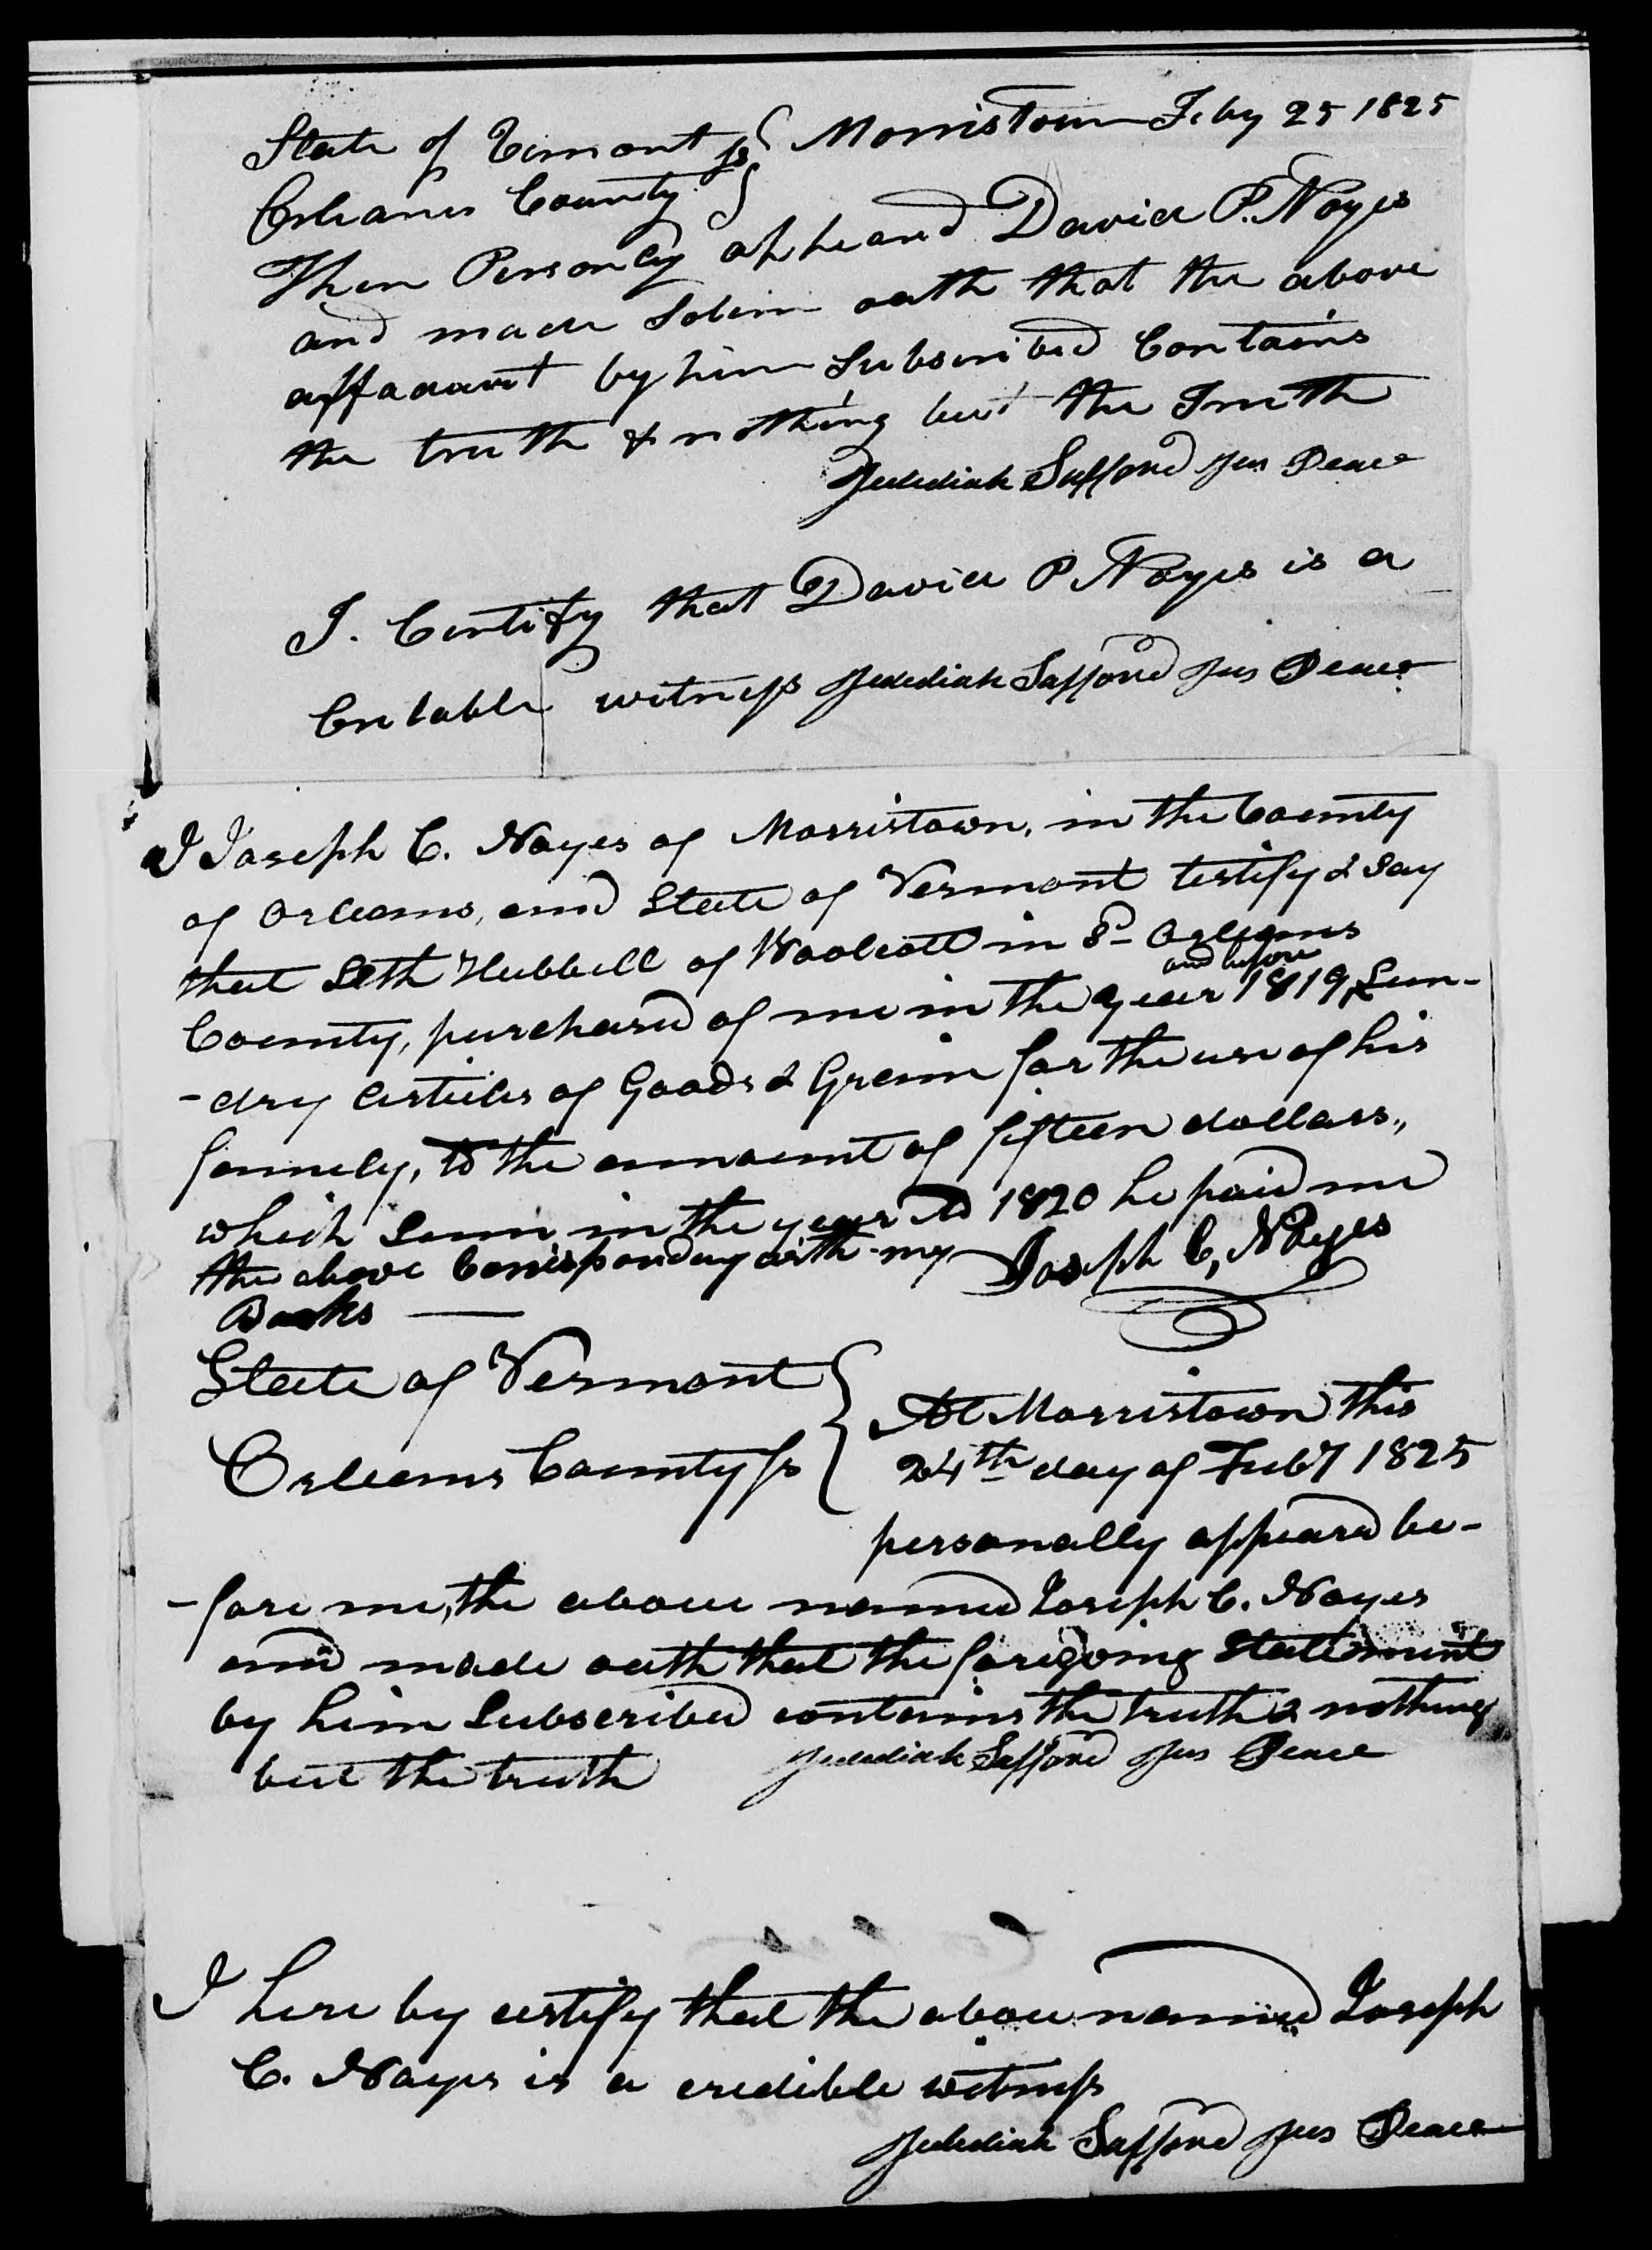State of Vermont ) Morristown July 25 1825
Orleans County   )
Then personally appeared David P. Noyes and made solemn oath that the above affidavit by him subscribed contains the truth & nothing but the truth
Jebediah Safford gen Pence
I certify that David P. Noyes is a credible witness
Jebediah Safford gen Pence
I Joseph C. Noyes of Morristown, in the County of Orleans, and State of Vermont testify & say that Seth Hubbell of Woolcott in Orleans County, purchased of me in the year 1819 and before sundry articles of goods & grain for the use of his family, to the amount of fifteen dollars, which ____ in the year to 1820 he paid me the above corresponding _____ Joseph C. Noyes
State of Vermont ) at Morristown this
Orleans County   ) 24th day of July 1825
personally appeared before me the above named Joseph C. Noyes and made oath that the foregoing statement by him subscribed contains the truth & nothing but the truth
Jebediah Safford gen Pence
I hereby certify that the above named Joseph C. Noyes is a credible witness
Jebediah Safford gen Pence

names: Joseph C Noyes, David P Noyes, Jedediah Safford, Seth Hubbell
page: 39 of 114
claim: widow's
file: W. 2115, Seth Hubbell, Conn.